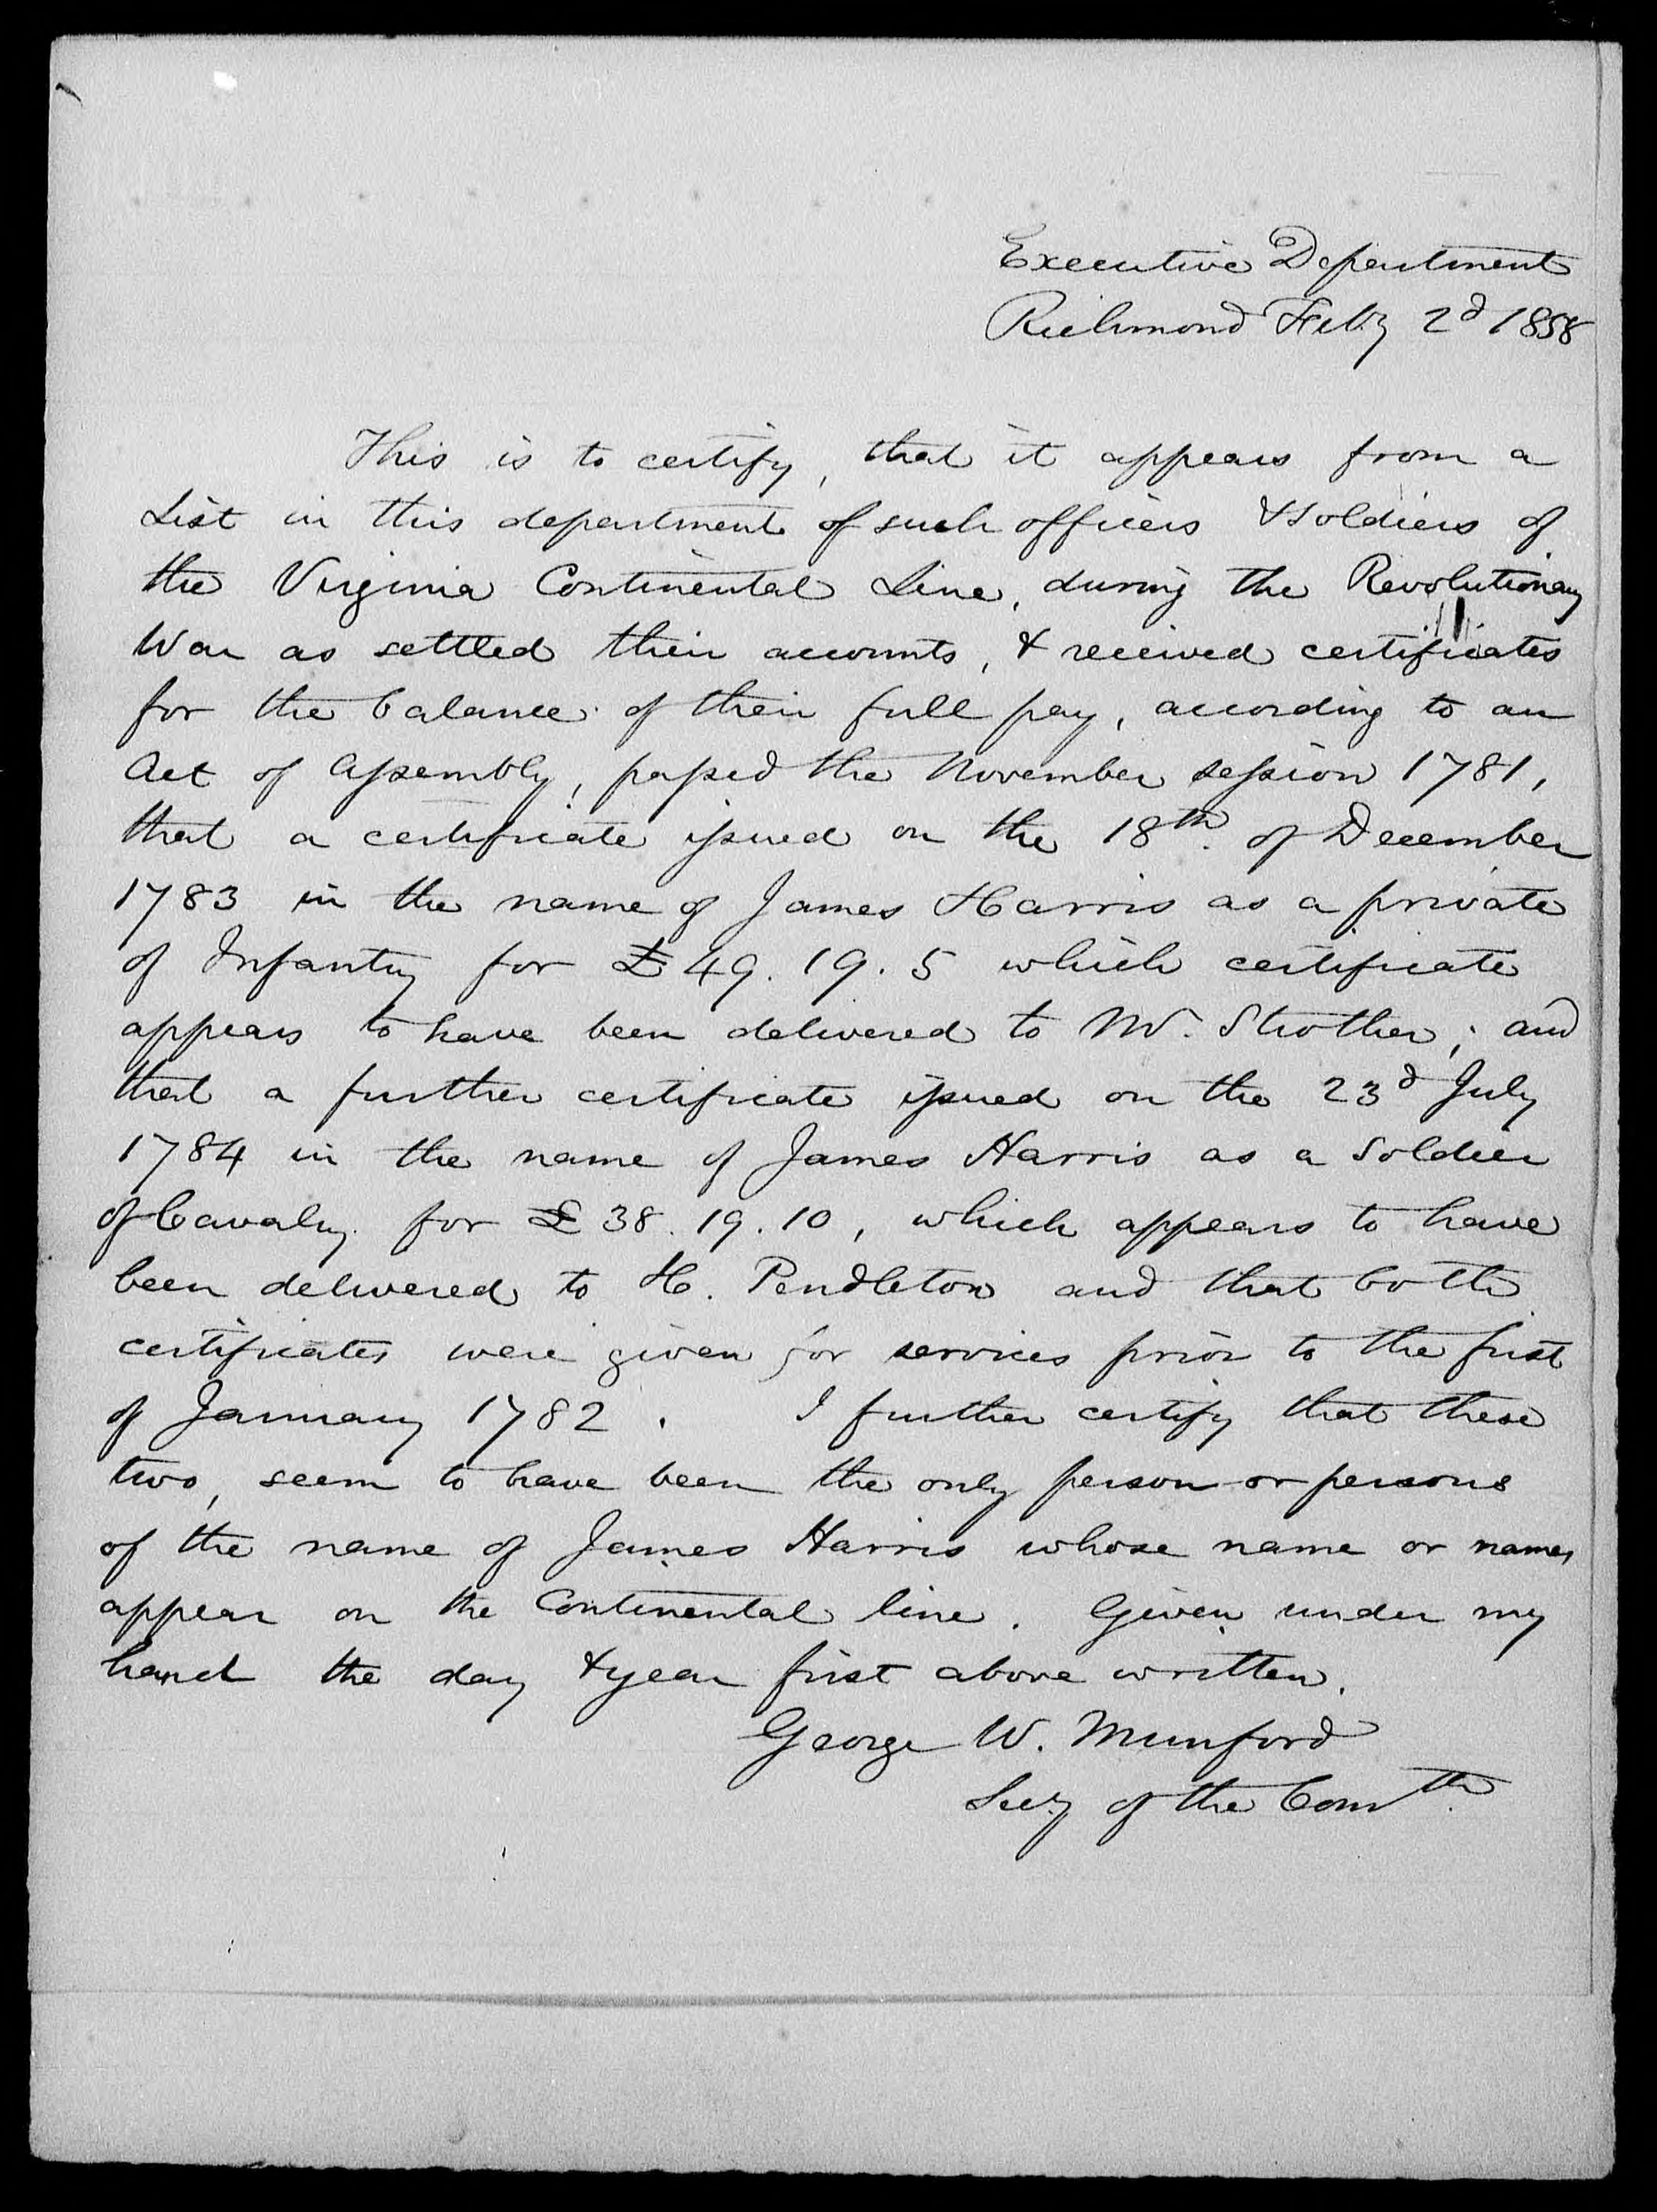Executive Department
Richmond Feby 2d 1855

This is to certify that it appears from a List in this department of such officers & soldiers of the Virginia Continental Line, during the Revolutionary Was as settled their accounts, & received certificates for the balance of their full pay, according to an Act of Assembly, passed the November session 1781, that a certificate issued on the 18th of December 1783 in the name of James Harris as a private of Infantry for [pound sterling]49.19.5 which certificate appears to have been delivered to Mr. Strother, and that a further certificate issued on the 23d July 1784 in the name of James Harris as a soldier of Cavalry for [pound sterling]38.19.10, which appears to have been delivered to H. Pendleton and that both certificates were given for services prior to the first of January 1782.  I further certify that these two seem to have been the only person or persons of the name of James Harris whose name or names appear on the Continental line.  Given under my hand to day & year first above written.
George W. Munford
Secy of the Commth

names: James Harris, H Pendleton, George W Munford, James Harris, Strother, James Harris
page: 78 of 160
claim: rejected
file: R. 4666, James Harris, Va.